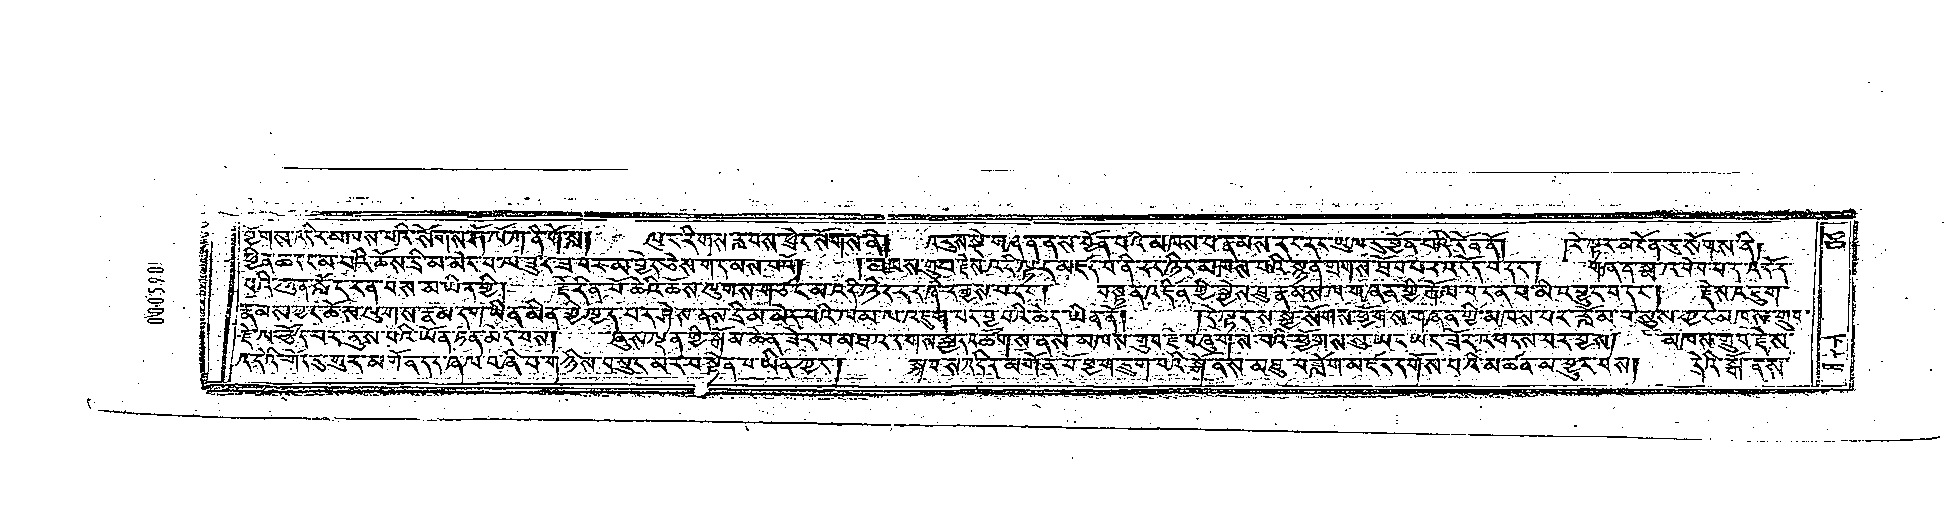ཕྱོགས་འདིར་མཁས་པའི་སོགས་ཤོ་ལོ་ཀ་ནི་གོ་སླ། ལུང་རིགས་རླབས་ཕྲེང་སོགས་ནི། འདུས་སྡེ་གཞན་ནས་བྱོན་པའི་མཁས་པ་རྣམས་རང་རང་ཡུལ་དུ་བྱོན་པའི་དོན་ནོ། །དེ་ལྟར་མངོན་དུ་སོགས་ནི།
ཕྱིན་ཆད་དམ་པའི་ཆོས་དྲི་མ་མེད་པ་ལ་ཟུར་ཟ་བར་མ་བྱེད་ཅེས་གདམས་པའོ། །མཁས་གྲུབ་རྗེས་འདི་ལྟར་མཛད་པ་ནི་རང་ཉིད་མཁས་པའི་སྙན་གྲགས་ཐོབ་པར་འདོད་བ་དང་། གཞན་སྨ་འབེབ་པར་འདོད་
པའི་ཀུན་སློང་ངན་བས་མ་ཡིན་གྱི། རྗེ་རིན་པོ་ཆེའི་ཆོས་ལུགས་གཙང་མ་འདི་ཉིད་དང་ཞིང་རྒྱས་བ་དང་། བསྟན་འཛིན་གྱི་སྐྱེས་བུ་རྣམས་ལ་གཞན་གྱི་རྒོལ་བ་དང་བ་མི་འབྱུང་བ་དང་། རྗེས་འཇུག་
རྣམས་ཀྱང་ཆོས་ལུགས་རྣམ་དག་ཡིན་མིན་གྱི་ཁྱད་པར་ཤེས་ནས་དྲི་མ་མེད་པའི་ལམ་ལ་འཇུག་པར་བྱ་བའི་ཆེད་ཡིན་ནོ། །དེ་ལྟར་ས་སྐྱ་སོགས་ཕྱོགས་གཞན་གྱི་མཁས་པར་རློམ་པར་སུས་ཀྱང་མཁས་གྲུབ་
རྗེ་ལ་རྩོད་པར་ནུས་པའི་ཡོན་ཏན་མེད་བས། ཞུས་ལྡན་གྱི་སྒོམ་ཆེན་ཟེར་བ་མཐའ་དག་ས་སྐྱར་འཚོགས་ནས་མཁས་གྲུབ་རྗེས་བཞུགས་པའི་ཕྱོགས་སུ་ཡང་ཡང་ཟོར་འཕངས་བར་བྱས། མཁས་གྲུབ་རྗེས་
འདིའི་གོང་དུ་གུར་མགོན་དང་ཞལ་བཞི་བ་གཉིས་བསྲུང་མར་བསྟེན་པ་ཡིན་ཀྱང་། སྐབས་འདིར་མགོན་པོ་ཕྱག་དྲུག་པའི་སྒོ་ནས་མཐུ་བཟློག་མཛད་དགོས་པའི་མཚན་མ་བྱུང་བས། དེའི་སྒོ་ནས་